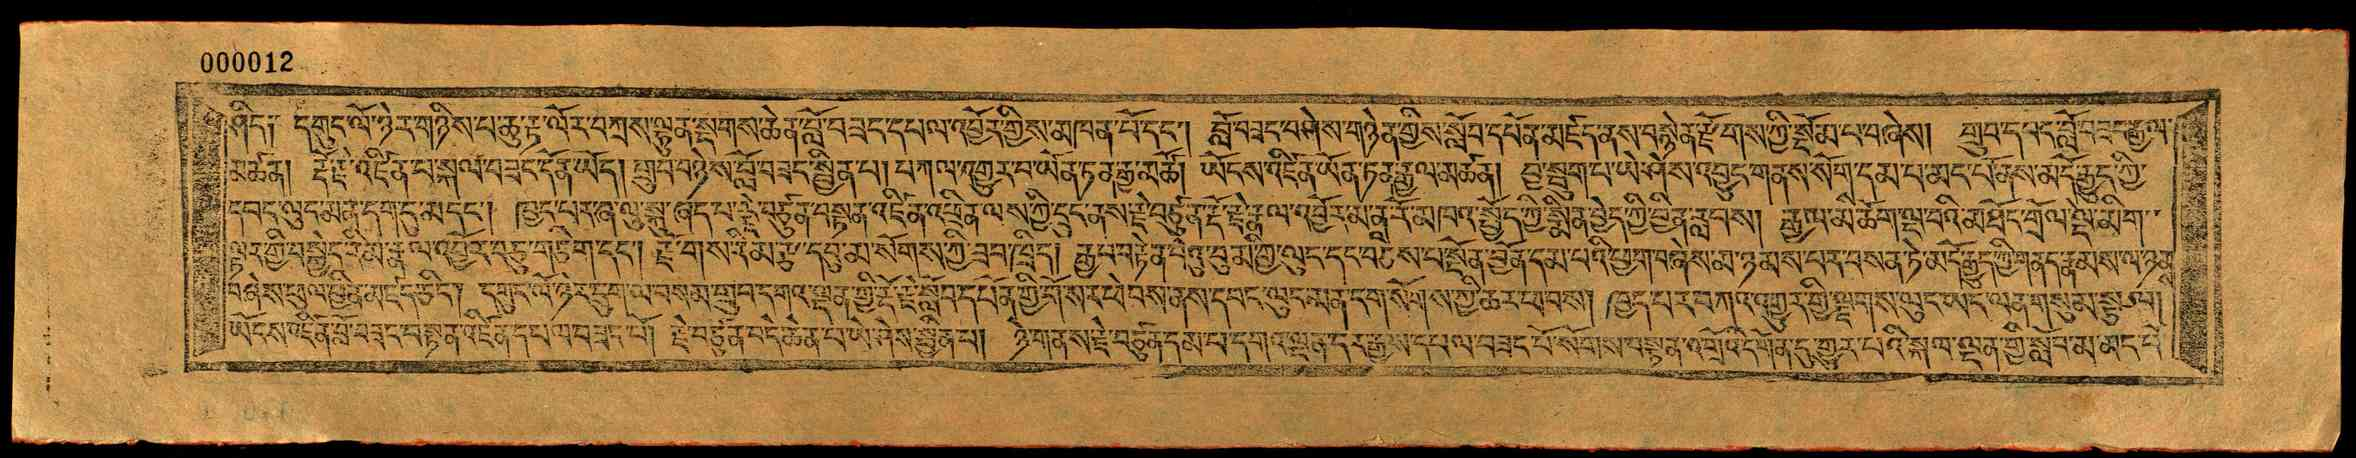ཤིང་། དགུང་ལོ་ཉེར་གཉིས་པ་ཆུ་རྟ་ལོར་བཀྲས་ལྷུན་སྔགས་ཆེན་བློ་བཟང་དཔལ་འབྱོར་གྱིས་མཁན་པོ་དང་། བློ་བཟང་བཤེས་གཉེན་གྱིས་སློབ་དཔོན་མཛད་ནས་བསྙེན་རྫོགས་ཀྱི་སྡོམ་པ་བཞེས། གྲུབ་དབང་བློ་བཟང་རྒྱལ་
མཚན། རྡོ་རྗེ་འཛིན་པ་སྐལ་བཟང་དོན་ཡོད། གྲུབ་བརྙེས་བློ་བཟང་སྦྱིན་པ། བཀའ་འགྱུར་བ་ཡོན་ཏན་རྒྱ་མཚོ། ཡོངས་འཛིན་ཡོན་ཏན་རྒྱལ་མཚན། བྱ་སྡུག་པ་ཡེ་ཤེས་འབྱུང་གནས་སོགས་དམ་པ་མང་པོ་ནས་མདོ་རྒྱུད་ཀྱི་
དབང་ལུང་མན་ངག་དུ་མ་དང་། ཁྱད་པར་ཞ་ལུ་སྐུ་ཞང་པ་ལྕེ་བཙུན་བསྟན་འཛིན་འཕྲིན་ལས་ཀྱི་དྲུང་ནས་རྗེ་བཙུན་རྡོ་རྗེ་རྣལ་འབྱོར་མ་ནཱ་རོ་མཁའ་སྤྱོད་ཀྱི་སྨིན་བྱེད་ཀྱི་བྱིན་རླབས། རྒྱལ་མཆོག་ལྔ་པའི་མཐོང་གྲོལ་ལྡེ་མིག་
ལྟར་གྱི་བསྐྱེད་རིམ་རྣལ་འབྱོར་བཅུ་གཅིག་དང་། རྫོགས་རིམ་རྩ་དབུ་མ་སོགས་ཀྱི་ཟབ་ཁྲིད། རྒྱབ་བརྟེན་བེའུ་བུམ་གྱི་ལུང་དང་བཅས་པ་སྔོན་བྱོན་དམ་པའི་ཕྱག་བཞེས་མ་ཉམས་པར་བསན་ཏེ་མདོ་རྒྱུད་ཀྱི་གནད་རྣམས་ལ་ཉམས་
བཞེས་ཕུལ་ཕྱིན་མཛད་ཅིང་། དགུང་ལོ་ཉེར་དྲུག་ལ་བསམ་གྲུབ་དགའ་ལྡན་གྱི་རྡོ་རྗེ་སློབ་དཔོན་གྱི་གོ་སར་ཕེབས་ནས་དབང་ལུང་མན་ངག་སོགས་ཀྱི་ཆར་ཕབས། ཁྱད་པར་བཀའ་འགྱུར་གྱི་ལྗགས་ལུང་ཡང་ལན་གསུམ་སྩལ།
ཡོངས་འཛིན་བློ་བཟང་བསྟན་འཛིན་དཔལ་བཟང་པོ། རྗེ་བཙུན་བདེ་ཆེན་པ་ཡེ་ཤེས་སྦྱིན་པ། ཉེ་གནས་རྗེ་བཙུན་དམ་པ་དགའ་ལྡན་དར་རྒྱས་དཔལ་བཟང་པོ་སོགས་བསྟན་འགྲོའི་མགོན་དུ་གྱུར་པའི་སྐལ་ལྡན་གྱི་སློབ་མ་མང་པོ་